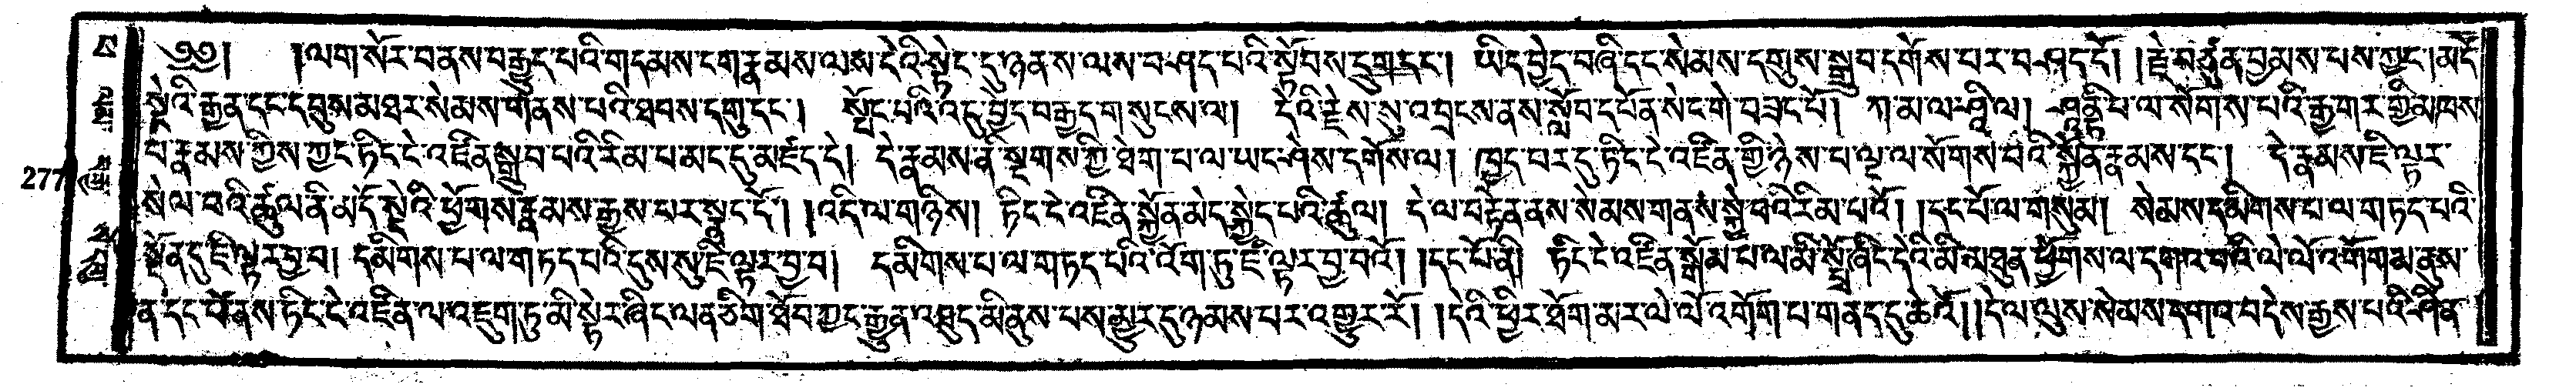༄༅། །ལག་སོར་བ་ནས་བརྒྱུད་པའི་གདམས་ངག་རྣམས་ལས་དེའི་སྟེང་དུ་ཉན་ས་ལས་བཤད་པའི་སྟོབས་དྲུག་དང་། ཡིད་བྱེད་བཞི་དང་སེམས་དགུས་སྒྲུབ་དགོས་པར་བཤད་དོ། །རྗེ་བཙུན་བྱམས་པས་ཀྱང་། མདོ་
སྡེའི་རྒྱན་དང་དབུས་མཐར་སེམས་གནས་པའི་ཐབས་དགུ་དང་། ། སྤོང་པའི་འདུ་བྱེད་བརྒྱད་གསུངས་ལ། དེའི་རྗེས་སུ་འབྲངས་ནས་སློབ་དཔོན་སེང་གེ་བཟང་པོ། ཀ་མ་ལ་ཤཱི་ལ། ཤཱནྟི་པ་ལ་སོགས་པའི་རྒྱ་གར་གྱི་མཁས་
པ་རྣམས་ཀྱིས་ཀྱང་ཏིང་ངེ་འཛིན་སྒྲུབ་པའི་རིམ་པ་མང་དུ་མཛད་དེ། དེ་རྣམས་ནི་སྔགས་ཀྱི་ཐེག་པ་ལ་ཡང་ཤེས་དགོས་ལ། དེ་ལ་བརྟེན་ནས་སེམས་གནས་སྐྱེ་བའི་རིམ་པའོ། །དང་པོ་ལ་གསུམ། སེམས་དམིགས་པ་ལ་གཏད་པའི་
སེལ་བའི་ཚུལ་ནི་མདོ་སྡེའི་ཕྱོགས་རྣམས་རྒྱས་པར་སྣང་དོ། །འདིལ་གཉིས། ཏིང་ངེ་འཛིན་སྐྱོན་མེད་སྐྱེད་པའི་ཚུལ། དེ་ལ་བརྟེན་ནས་སེམས་གནས་སྐྱེ་བའི་རིམ་པའོ། །དང་པོ་ལ་གསུམ། སེམས་དམིགས་པ་ལ་གཏད་པའི་
སྔོན་དུ་ཇི་ལྟར་བྱ་བ། དམིགས་པ་ལ་གཏད་པའི་དུས་སུ་ཇི་ལྟར་བྱ་བ། དམིགས་པ་ལ་གཏད་པའི་འོག་ཏུ་ཇི་ལྟར་བྱ་བའོ། །དང་པོ་ནི། ཏིང་ངེ་འཛིན་སྒོམ་པ་ལ་མི་སྤྲོ་ཞིང་དེའི་མི་མཐུན་ཕྱོགས་ལ་དགའ་བའི་ལེ་ལོ་འགོག་མ་ནུས་
ན་དང་པོ་ནས་ཏིང་ངེ་འཛིན་ལ་འཇུག་ཏུ་མི་སྟེར་ཞིང་ལན་ཅིག་ཐོབ་ཀྱང་རྒྱུན་འཐུད་མི་ནུས་པས་མྱུར་དུ་ཉམས་པར་འགྱུར་རོ། །དེའི་ཕྱིར་ཐོག་མར་ལེ་ལོ་འགོག་པ་གནད་དུ་ཆེའོ། །དེ་ལ་ལུས་སེམས་དགའ་བ་དེས་རྒྱས་པའི་ཤིན་